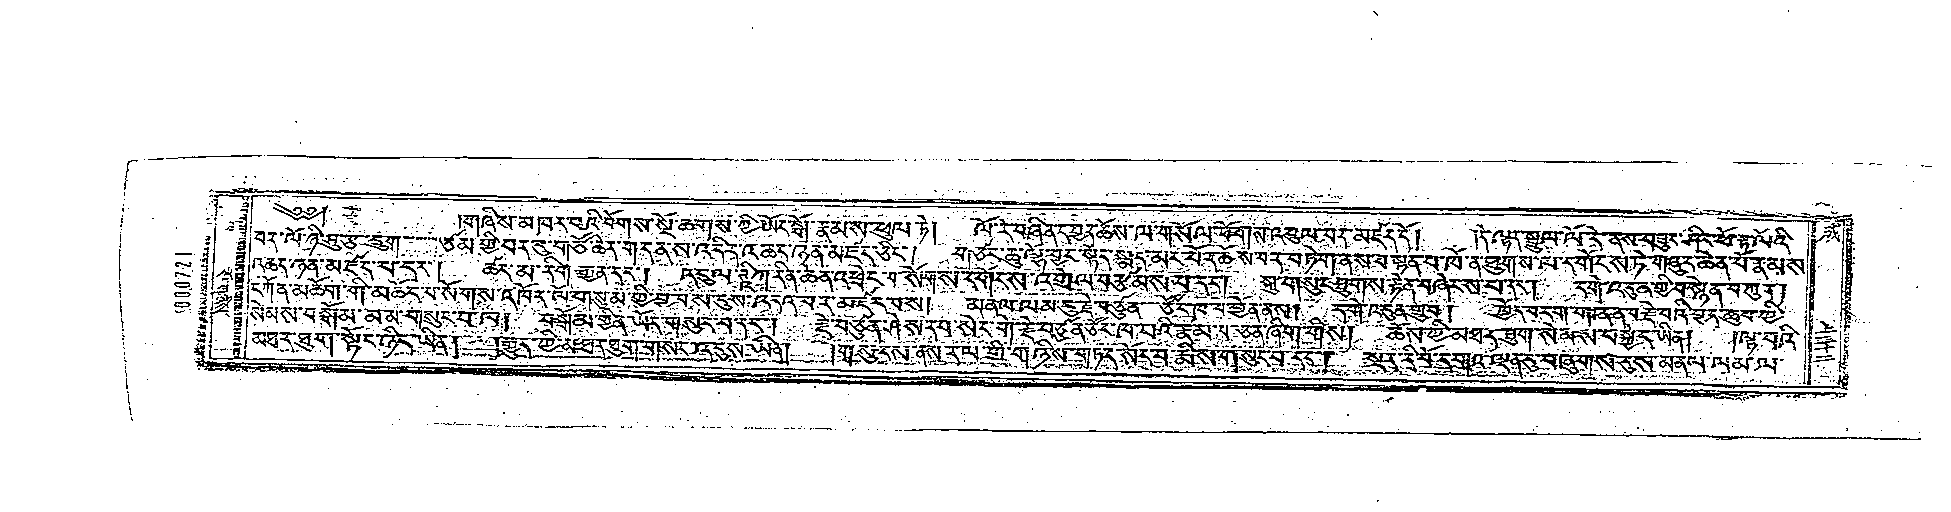༄༅། །གཞིས་མཁར་བའི་བོགས་སྔོ་ཆགས་ཀྱི་ཡོང་སྒོ་རྣམས་ཕུལ་ཏེ། ལོ་རེ་བཞིན་དབྱར་ཆོས་ལ་གསོལ་ཕོགས་འབུལ་བར་མཛད་དོ། །དེ་ལྟར་སྦྲུལ་ལོ་དེ་ནས་བཟུང་ཤིང་ཕོ་རྟ་ལོའི་
བར་ལོ་ཉི་ཤུ་རྩ་དྲུག་ཙམ་གྱི་བར་དུ་གཙོ་ཆེར་གདན་ས་འདིར་འཆང་ཉན་མཛད་ཅིང་། གཙང་ཆུ་ལྷོ་བྱང་སྟོད་སྨད་མར་པོར་ཆོས་བར་བཏེག་ནས་བསྟན་པ་ཁོ་ན་ཐུགས་ལ་དགོངས་ཏེ་གཞུང་ཆེན་པོ་རྣམས་
འཆད་ཉན་མཛད་པ་དང་། ཚང་མ་རིག་རྒྱན་དང་། འདུལ་ཊཱིཀ་རིན་ཆེན་འཕྲེང་བ་སོགས་དགོངས་འགྲེལ་བརྩམས་པ་དང་། སྐུ་གསུང་ཐུགས་རྟེན་བཞེངས་པ་དང་། དགེ་འདུན་གྱི་བསྙེན་བཀུར།
དཀོན་མཆོག་གི་མཆོད་པ་སོགས་འཁོར་ལོ་གསུམ་གྱི་བྱ་བས་དུས་འདའ་བར་མཛད་པས། མནལ་ལམ་དུ་རྗེ་བཙུན་ཙོང་ཁ་པ་བྱོན་ནས། དགེ་འདུན་གྲུབ། ཁྱོད་བདག་གཞན་བརྗེ་བའི་བྱང་ཆུབ་ཀྱི་
སེམས་བསྒོམ་མམ་གསུང་བ་ལ། བསྒོམ་གྱིན་ཡོད་གསུང་བ་དང་། རྗེ་བཙུན་ཤེས་རབ་སེང་གེ་རྗེ་བཙུན་ཙོང་ཁ་པའི་རྣམ་པ་ཅན་ཞིག་གིས། ཆོས་ཀྱི་མཐར་ཐུག་སེམས་བསྐྱེད་ཡིན། །ལྷ་བའི་
མཐར་ཐུག་སྟོང་ཉིད་ཡིན། །རྒྱུད་ཀྱི་མཐར་ཐུག་གསང་འདུས་ཡིན། །གསུངས་ནས་རལ་གྲི་གཉིས་གཏང་སོང་བ་རྨིས་གསུང་བ་དང་། སྔར་རི་བོ་དགའ་ལྡན་དུ་བཞུགས་དུས་མནལ་ལམ་ལ་